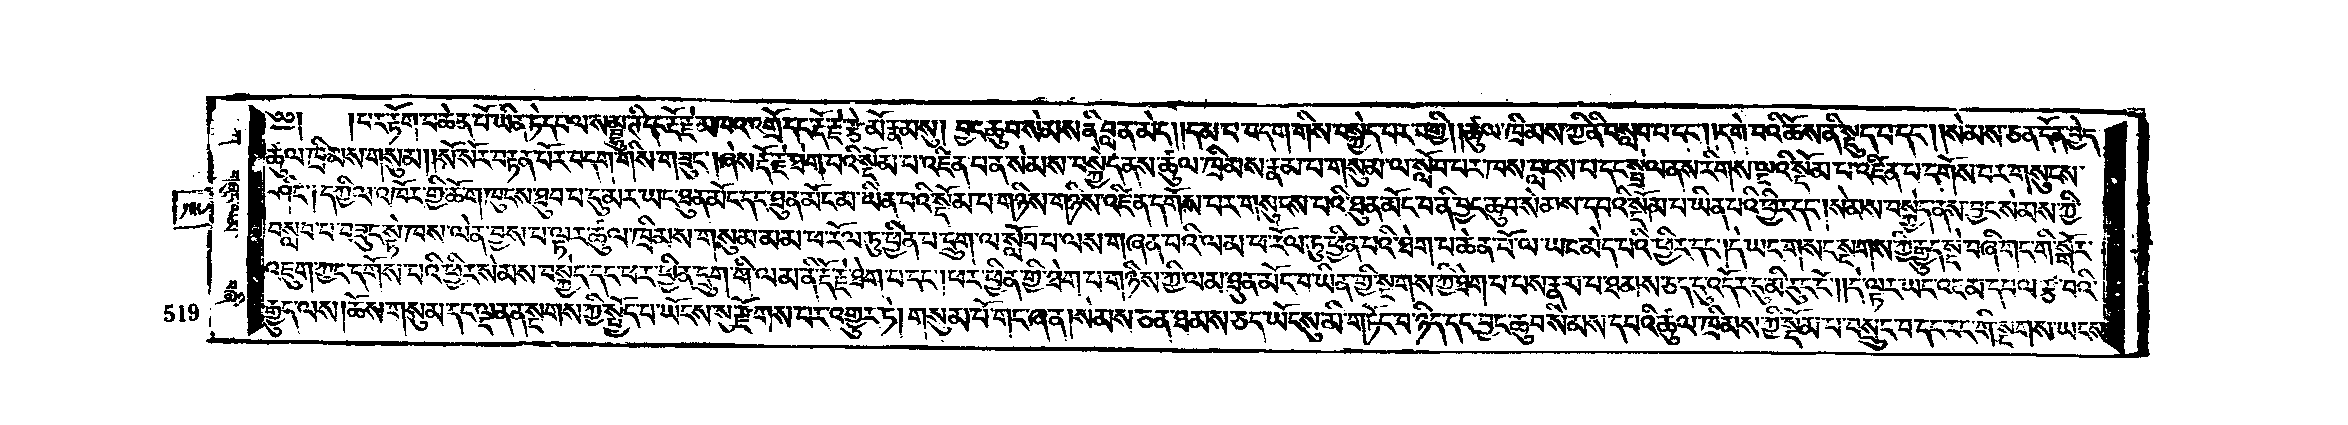༄༅། །པར་རྟོག་པ་ཆེན་པོ་ཡིན་ཏེ་དཔལ་སམྦྷུ་ཊི་དང་རྡོ་རྗེ་མཁའ་འགྲོ་དང་རྡོ་རྗེ་རྩེ་མོ་རྣམས་སུ། བྱང་ཆུབ་སེམས་ནི་བླ་ན་མེད། །དམ་པ་བདག་གིས་བསྐྱེད་པར་བགྱི། །ཚུལ་ཁྲིམས་ཀྱི་ནི་བསླབ་པ་དང་། །དགེ་བའི་ཆོས་ནི་སྡུད་པ་དང་། །སེམས་ཅན་དོན་བྱེད་
ཚུལ་ཁྲིམས་གསུམ། །སོ་སོར་བརྟན་པོར་བདག་གིས་གཟུང་། ཞེས་རྡོ་རྗེ་ཐེག་པའི་སྡོམ་པ་འཛིན་པ་ན་སེམས་བསྐྱེད་ནས་ཚུལ་ཁྲིམས་རྣམ་པ་གསུམ་ལ་སློབ་པར་ཁས་བླངས་པ་དང་སྦྲེལ་ནས་རིགས་ལྔའི་སྡོམ་པ་འཛིན་པ་དགོས་པར་གསུངས་
ཤིང་། དཀྱིལ་འཁོར་གྱི་ཆོ་ག་ཁུངས་ཐུབ་པ་དུ་མར་ཡང་ཐུན་མོང་དང་ཐུན་མོང་མ་ཡིན་པའི་སྡོམ་པ་གཉིས་གཉིས་འཛིན་དགོས་པར་གསུངས་པའི་ཐུན་མོང་བ་ནི་བྱང་ཆུབ་སེམས་དཔའི་སྡོམ་པ་ཡིན་པའི་ཕྱིར་དང་། སེམས་བསྐྱེད་ནས་བྱང་སེམས་ཀྱི་
བསླབ་པ་བཟུང་སྟེ་ཁས་ལེན་བྱས་པ་ལྟར་ཚུལ་ཁྲིམས་གསུམ་མམ་ཕ་རོལ་ཏུ་ཕྱིན་པ་དྲུག་ལ་སློབ་པ་ལས་གཞན་པའི་ལམ་ཕ་རོལ་ཏུ་ཕྱིན་པའི་ཐེག་པ་ཆེན་པོ་ལ་ཡང་མེད་པའི་ཕྱིར་དང་། དེ་ཡང་གསང་སྔགས་ཀྱི་རྒྱུད་སྡེ་བཞི་གང་གི་སྒོར་
འཇུག་ཀྱང་དགོས་པའི་ཕྱིར་སེམས་བསྐྱེད་དང་ཕར་ཕྱིན་དྲུག་གི་ལམ་ནི་རྡོ་རྗེ་ཐེག་པ་དང་། ཕར་ཕྱིན་གྱི་ཐེག་པ་གཉིས་ཀྱི་ལམ་ཐུན་མོང་བ་ཡིན་གྱི་སྔགས་ཀྱི་ཐེག་པ་པས་རྣམ་པ་ཐམས་ཅད་དུ་འདོར་དུ་མི་རུང་ངོ། །དེ་ལྟར་ཡང་འཇམ་དཔལ་རྩ་བའི་
རྒྱུད་ལས། ཆོས་གསུམ་དང་ལྡན་ན་སྔགས་ཀྱི་སྤྱོད་པ་ཡོངས་སུ་རྫོགས་པར་འགྱུར་ཏེ། གསུམ་པོ་གང་ཞེ་ན། སེམས་ཅན་ཐམས་ཅད་ཡོངས་སུ་མི་གཏོང་བ་ཉིད་དང་བྱང་ཆུབ་སེམས་དཔའི་ཚུལ་ཁྲིམས་ཀྱི་སྡོམ་པ་བསྲུང་བ་དང་རང་གི་སྔགས་ཡོངས་